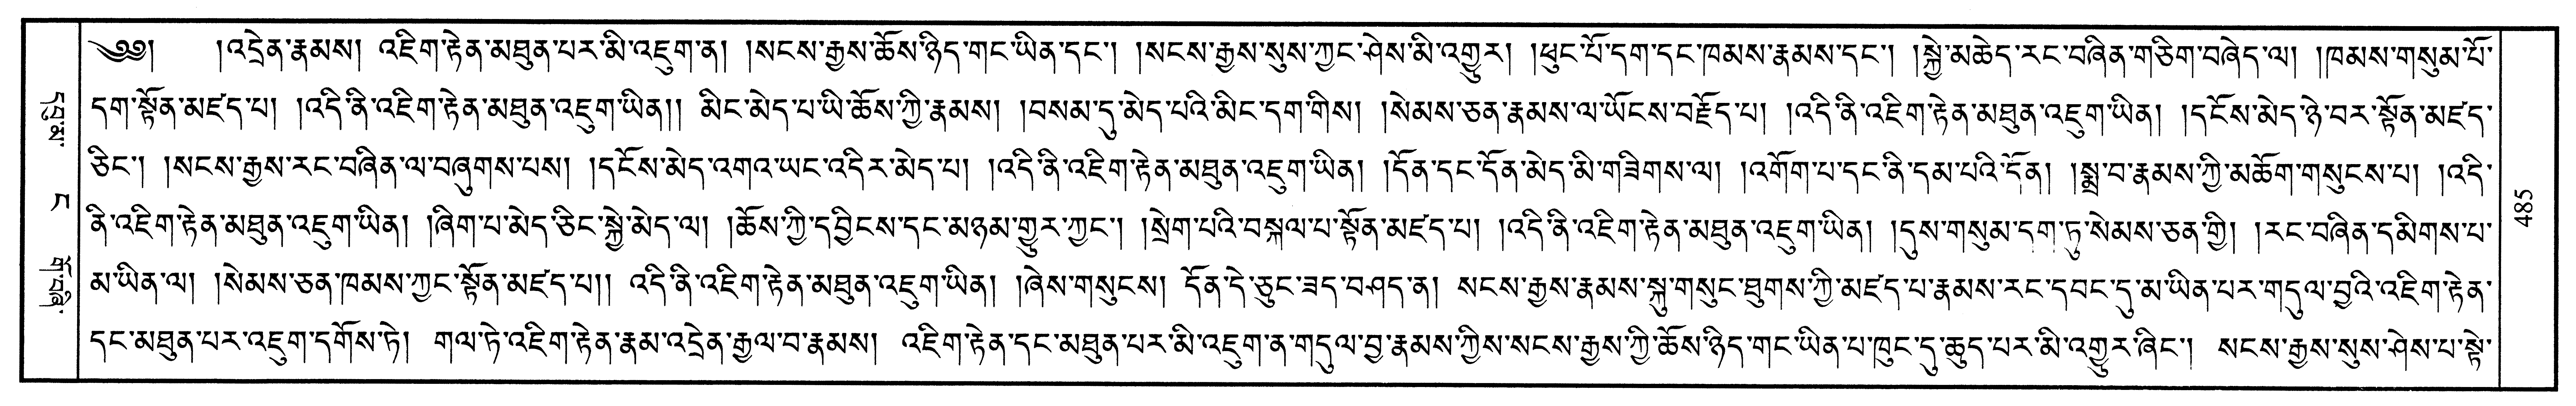༄༅། །འདྲེན་རྣམས། འཇིག་རྟེན་མཐུན་པར་མི་འཇུག་ན། །སངས་རྒྱས་ཆོས་ཉིད་གང་ཡིན་དང་། །སངས་རྒྱས་སུས་ཀྱང་ཤེས་མི་འགྱུར། །ཕུང་པོ་དག་དང་ཁམས་རྣམས་དང་། །སྐྱེ་མཆེད་རང་བཞིན་གཅིག་བཞེད་ལ། །ཁམས་གསུམ་པོ་
དག་སྟོན་མཛད་པ། །འདི་ནི་འཇིག་རྟེན་མཐུན་འཇུག་ཡིན། མིང་མེད་པ་ཡི་ཆོས་ཀྱི་རྣམས། །བསམ་དུ་མེད་པའི་མིང་དག་གིས། །སེམས་ཅན་རྣམས་ལ་ཡོངས་བརྗོད་པ། །འདི་ནི་འཇིག་རྟེན་མཐུན་འཇུག་ཡིན། །དངོས་མེད་ཉེ་བར་སྟོན་མཛད་
ཅིང་། །སངས་རྒྱས་རང་བཞིན་ལ་བཞུགས་པས། །དངོས་མེད་འགའ་ཡང་འདིར་མེད་པ། །འདི་ནི་འཇིག་རྟེན་མཐུན་འཇུག་ཡིན། །དོན་དང་དོན་མེད་མི་གཟིགས་ལ། །འགོག་པ་དང་ནི་དམ་པའི་དོན། །སྨྲ་བ་རྣམས་ཀྱི་མཆོག་གསུངས་པ། །འདི་
ནི་འཇིག་རྟེན་མཐུན་འཇུག་ཡིན། །ཞིག་པ་མེད་ཅིང་སྐྱེ་མེད་ལ། །ཆོས་ཀྱི་དབྱིངས་དང་མཉམ་གྱུར་ཀྱང་། །སྲེག་པའི་བསྐལ་པ་སྟོན་མཛད་པ། །འདི་ནི་འཇིག་རྟེན་མཐུན་འཇུག་ཡིན། །དུས་གསུམ་དག་ཏུ་སེམས་ཅན་གྱི། །རང་བཞིན་དམིགས་པ་
མ་ཡིན་ལ། །སེམས་ཅན་ཁམས་ཀྱང་སྟོན་མཛད་པ།། འདི་ནི་འཇིག་རྟེན་མཐུན་འཇུག་ཡིན། །ཞེས་གསུངས། དོན་དེ་ཅུང་ཟད་བཤད་ན། སངས་རྒྱས་རྣམས་སྐུ་གསུང་ཐུགས་ཀྱི་མཛད་པ་རྣམས་རང་དབང་དུ་མ་ཡིན་པར་གདུལ་བྱའི་འཇིག་རྟེན་
དང་མཐུན་པར་འཇུག་དགོས་ཏེ། གལ་ཏེ་འཇིག་རྟེན་རྣམ་འདྲེན་རྒྱལ་བ་རྣམས། འཇིག་རྟེན་དང་མཐུན་པར་མི་འཇུག་ན་གདུལ་བྱ་རྣམས་ཀྱིས་སངས་རྒྱས་ཀྱི་ཆོས་ཉིད་གང་ཡིན་པ་ཁུང་དུ་ཆུད་པར་མི་འགྱུར་ཞིང་། སངས་རྒྱས་སུས་ཤེས་པ་སྟེ་